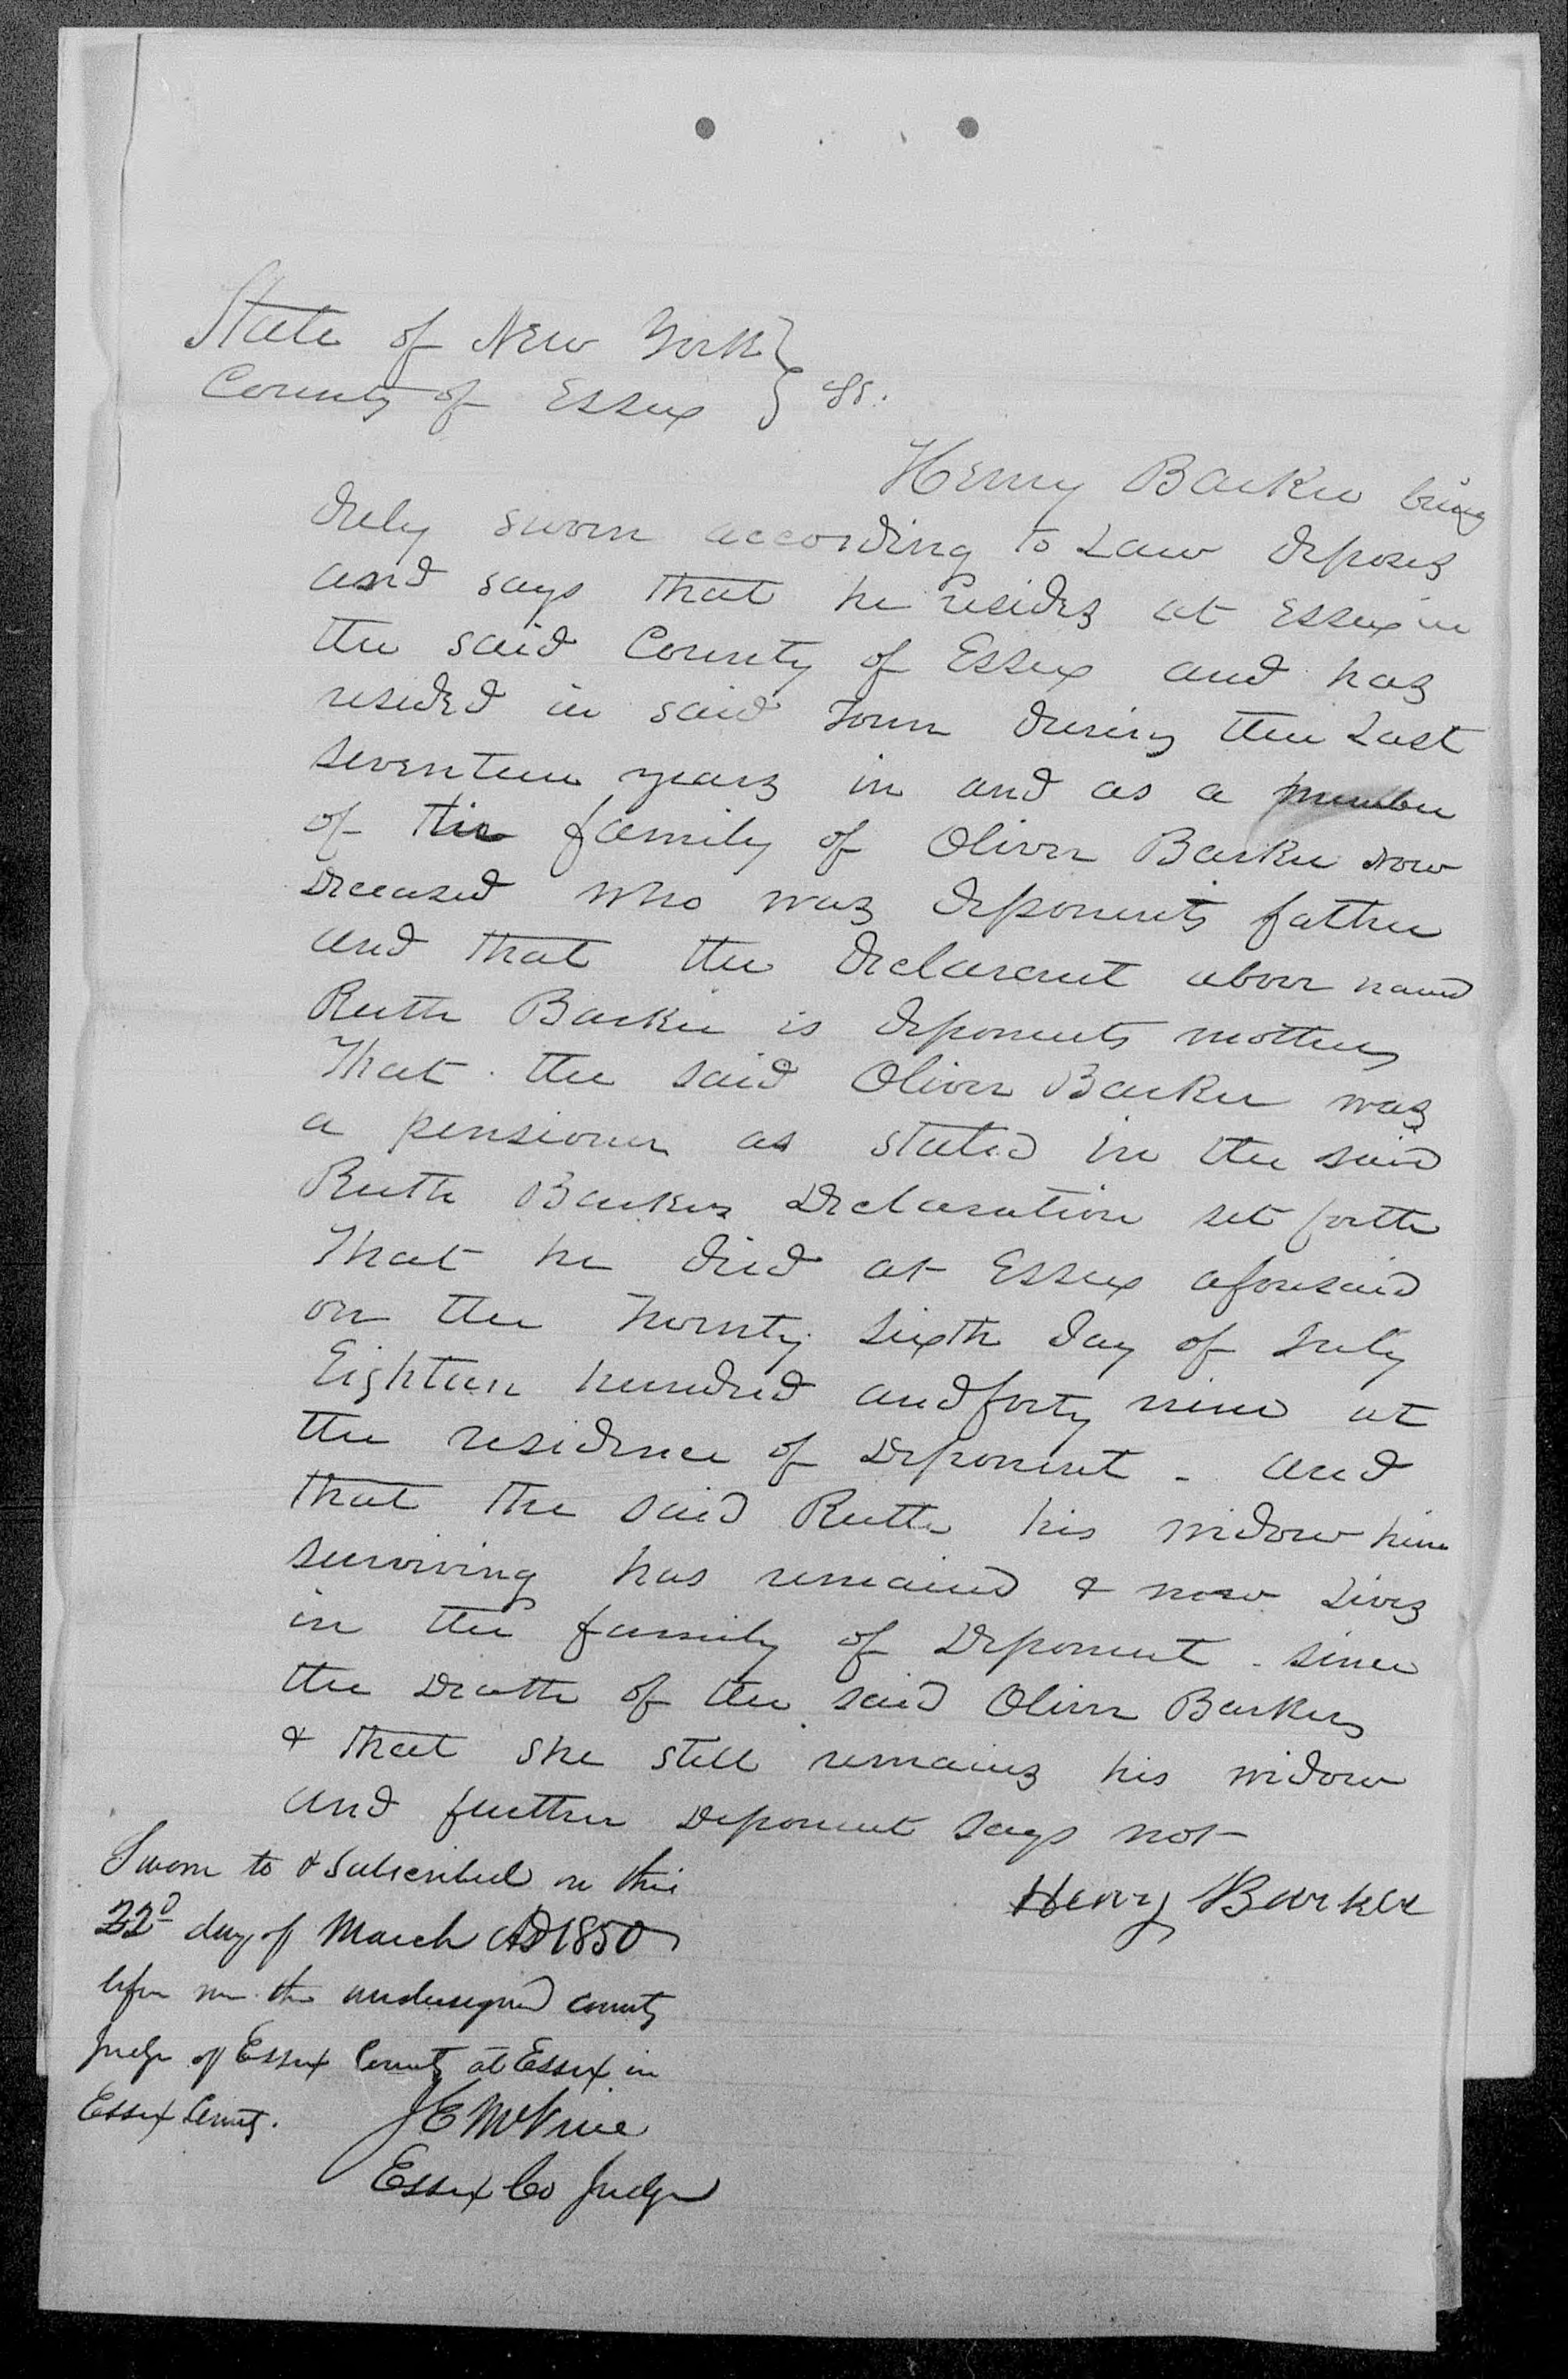State of New York 
County of Essex } SS 
Henry Barker being duly sworn according to Law deposes and says that he resides at Essex in the said County of Essex and has resided in said Town during the last seventeen years in and as a member of the family of Oliver Barker Now Deceased who was deponents father and that the declarant above named Ruth Barker is deponents mother that the said Oliver Barker was a pensioner as stated in the said Ruth Barker Declaration set forth that he died at Essex aforesaid on the twenty Sixth day of July Eighteen hundred and forty nine at the residence of Deponent - and that the said Ruth his widow him surviving has remained & now lives in the family of Deponent since the death of the said Oliver Barker & that she still remains his widow and further deponent says not 
Henry Barker
Sworn to & Subscribed on this 22nd day of March AD 1850  the undersigned County Judge of Essex County at Essex in Essex County 
J E McVine Essex Co Judge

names: Oliver Barker, Oliver Barker, Henry Barker, Oliver Barker, Henry Barker, Ruth Barkers, J E Mc Vine, Ruth Barker, Ruth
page: 14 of 51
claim: widow's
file: W. 1698, Oliver Barker, Conn.